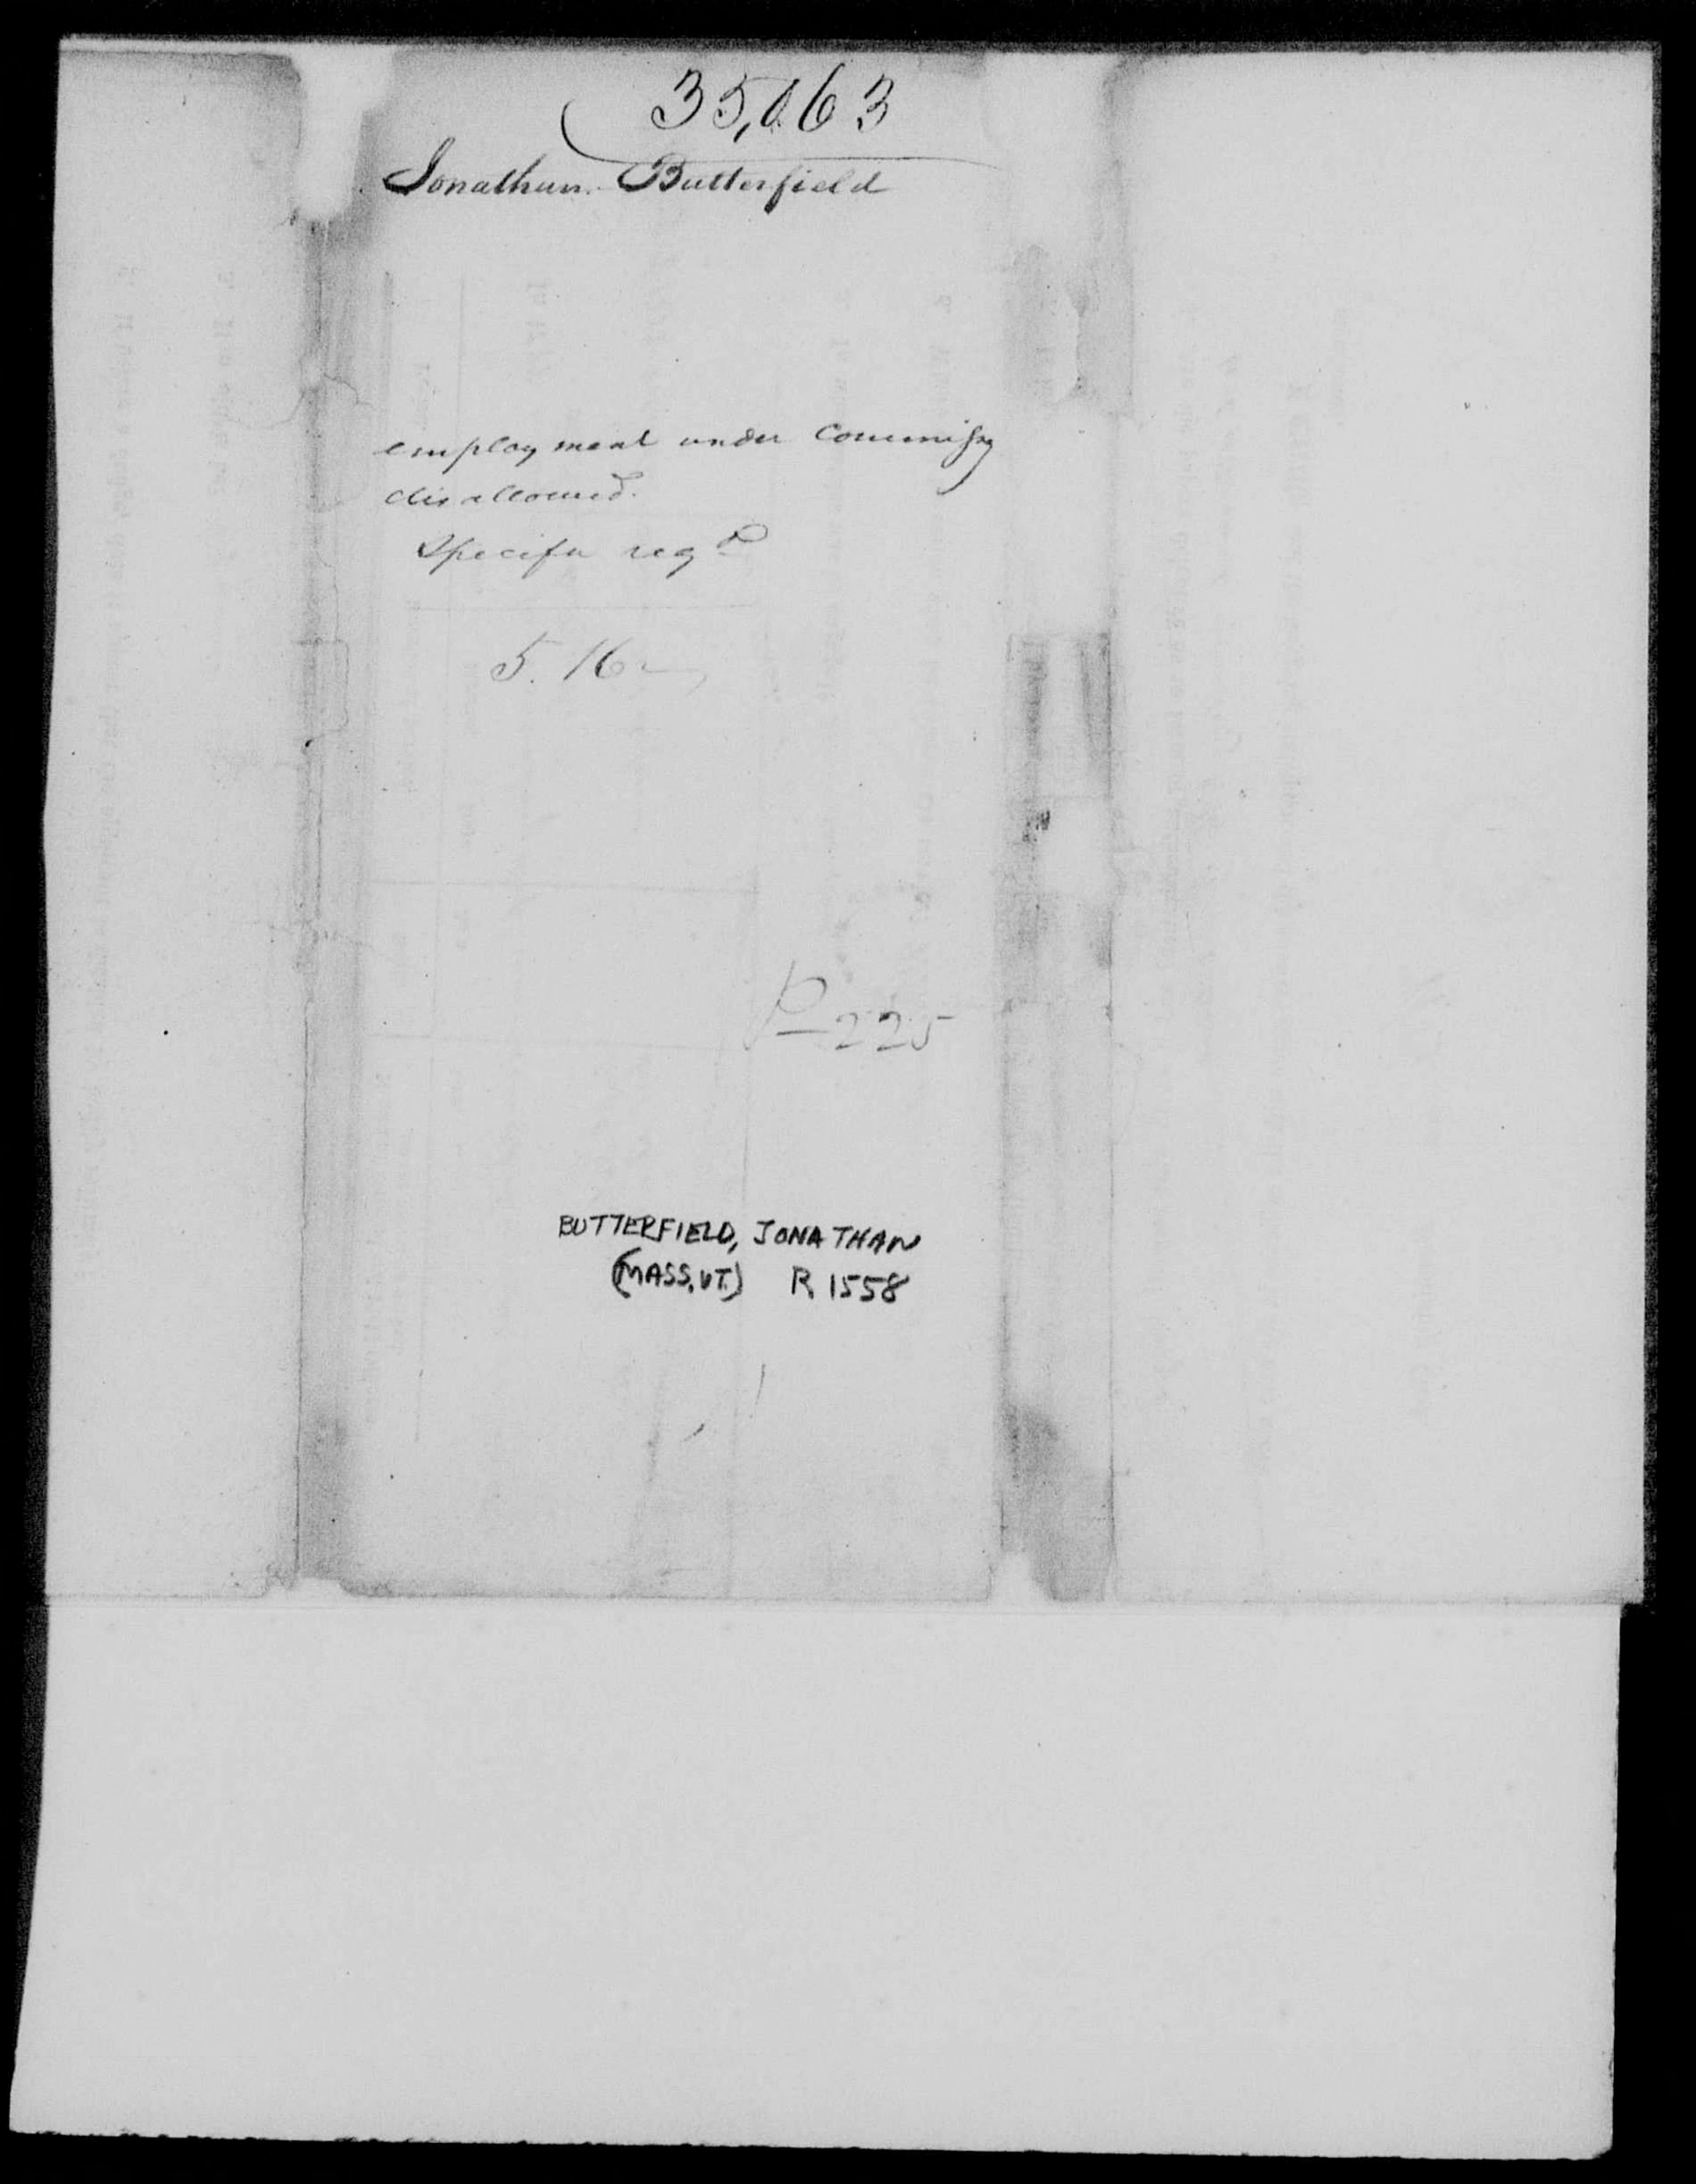35063
Jonathan Butterfield



employment under commissy
disallowed.
Specific reg
5. 162
p.225
Butterfield, Jonathan
(MASS,VT,) R1558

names: Jonathan Butterfield, Jonathan Butterfield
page: 17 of 40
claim: rejected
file: R. 1558, Jonathan Butterfield, Mass. Vt.